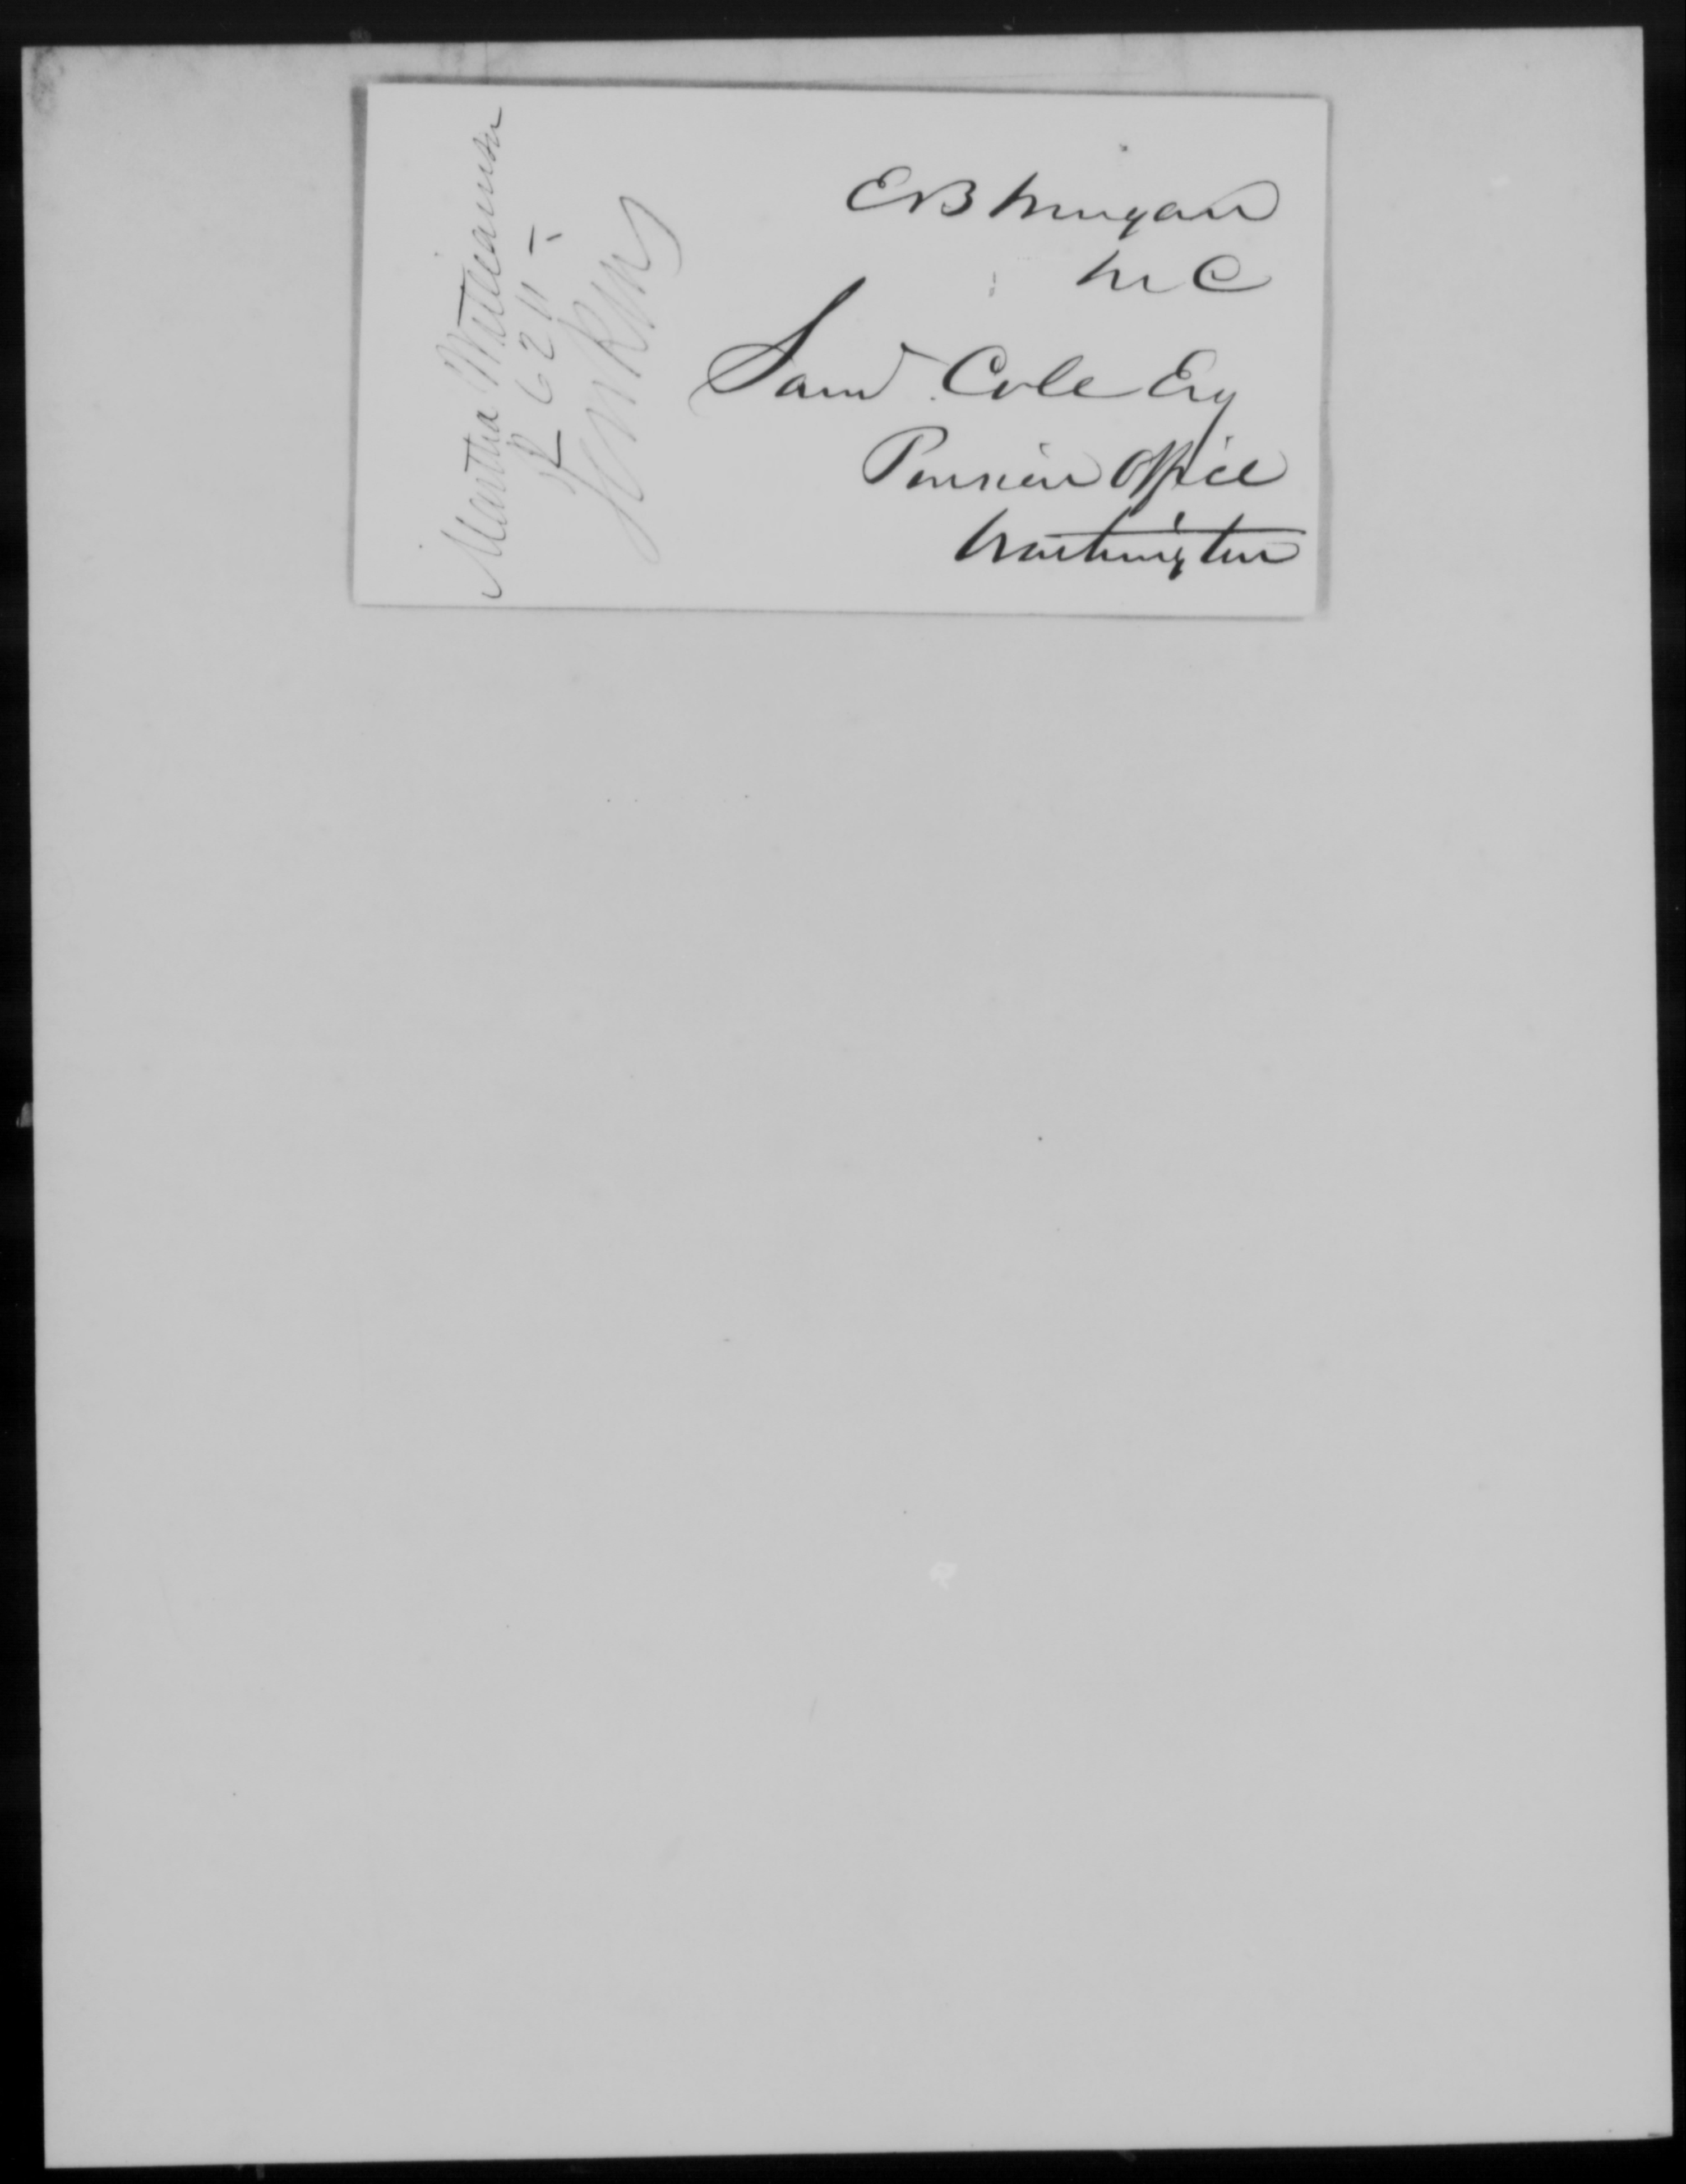E.B. Wingard
W(ashington) C(ity)

Sam'l Cole, Esq.
Pension Office
Washington

Martha Williamson
26211
Jenkins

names: E B Wingard, Saml Cole, Martha Williamson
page: 38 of 67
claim: widow's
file: W. 2393, Jacob Williamson, New Jersey